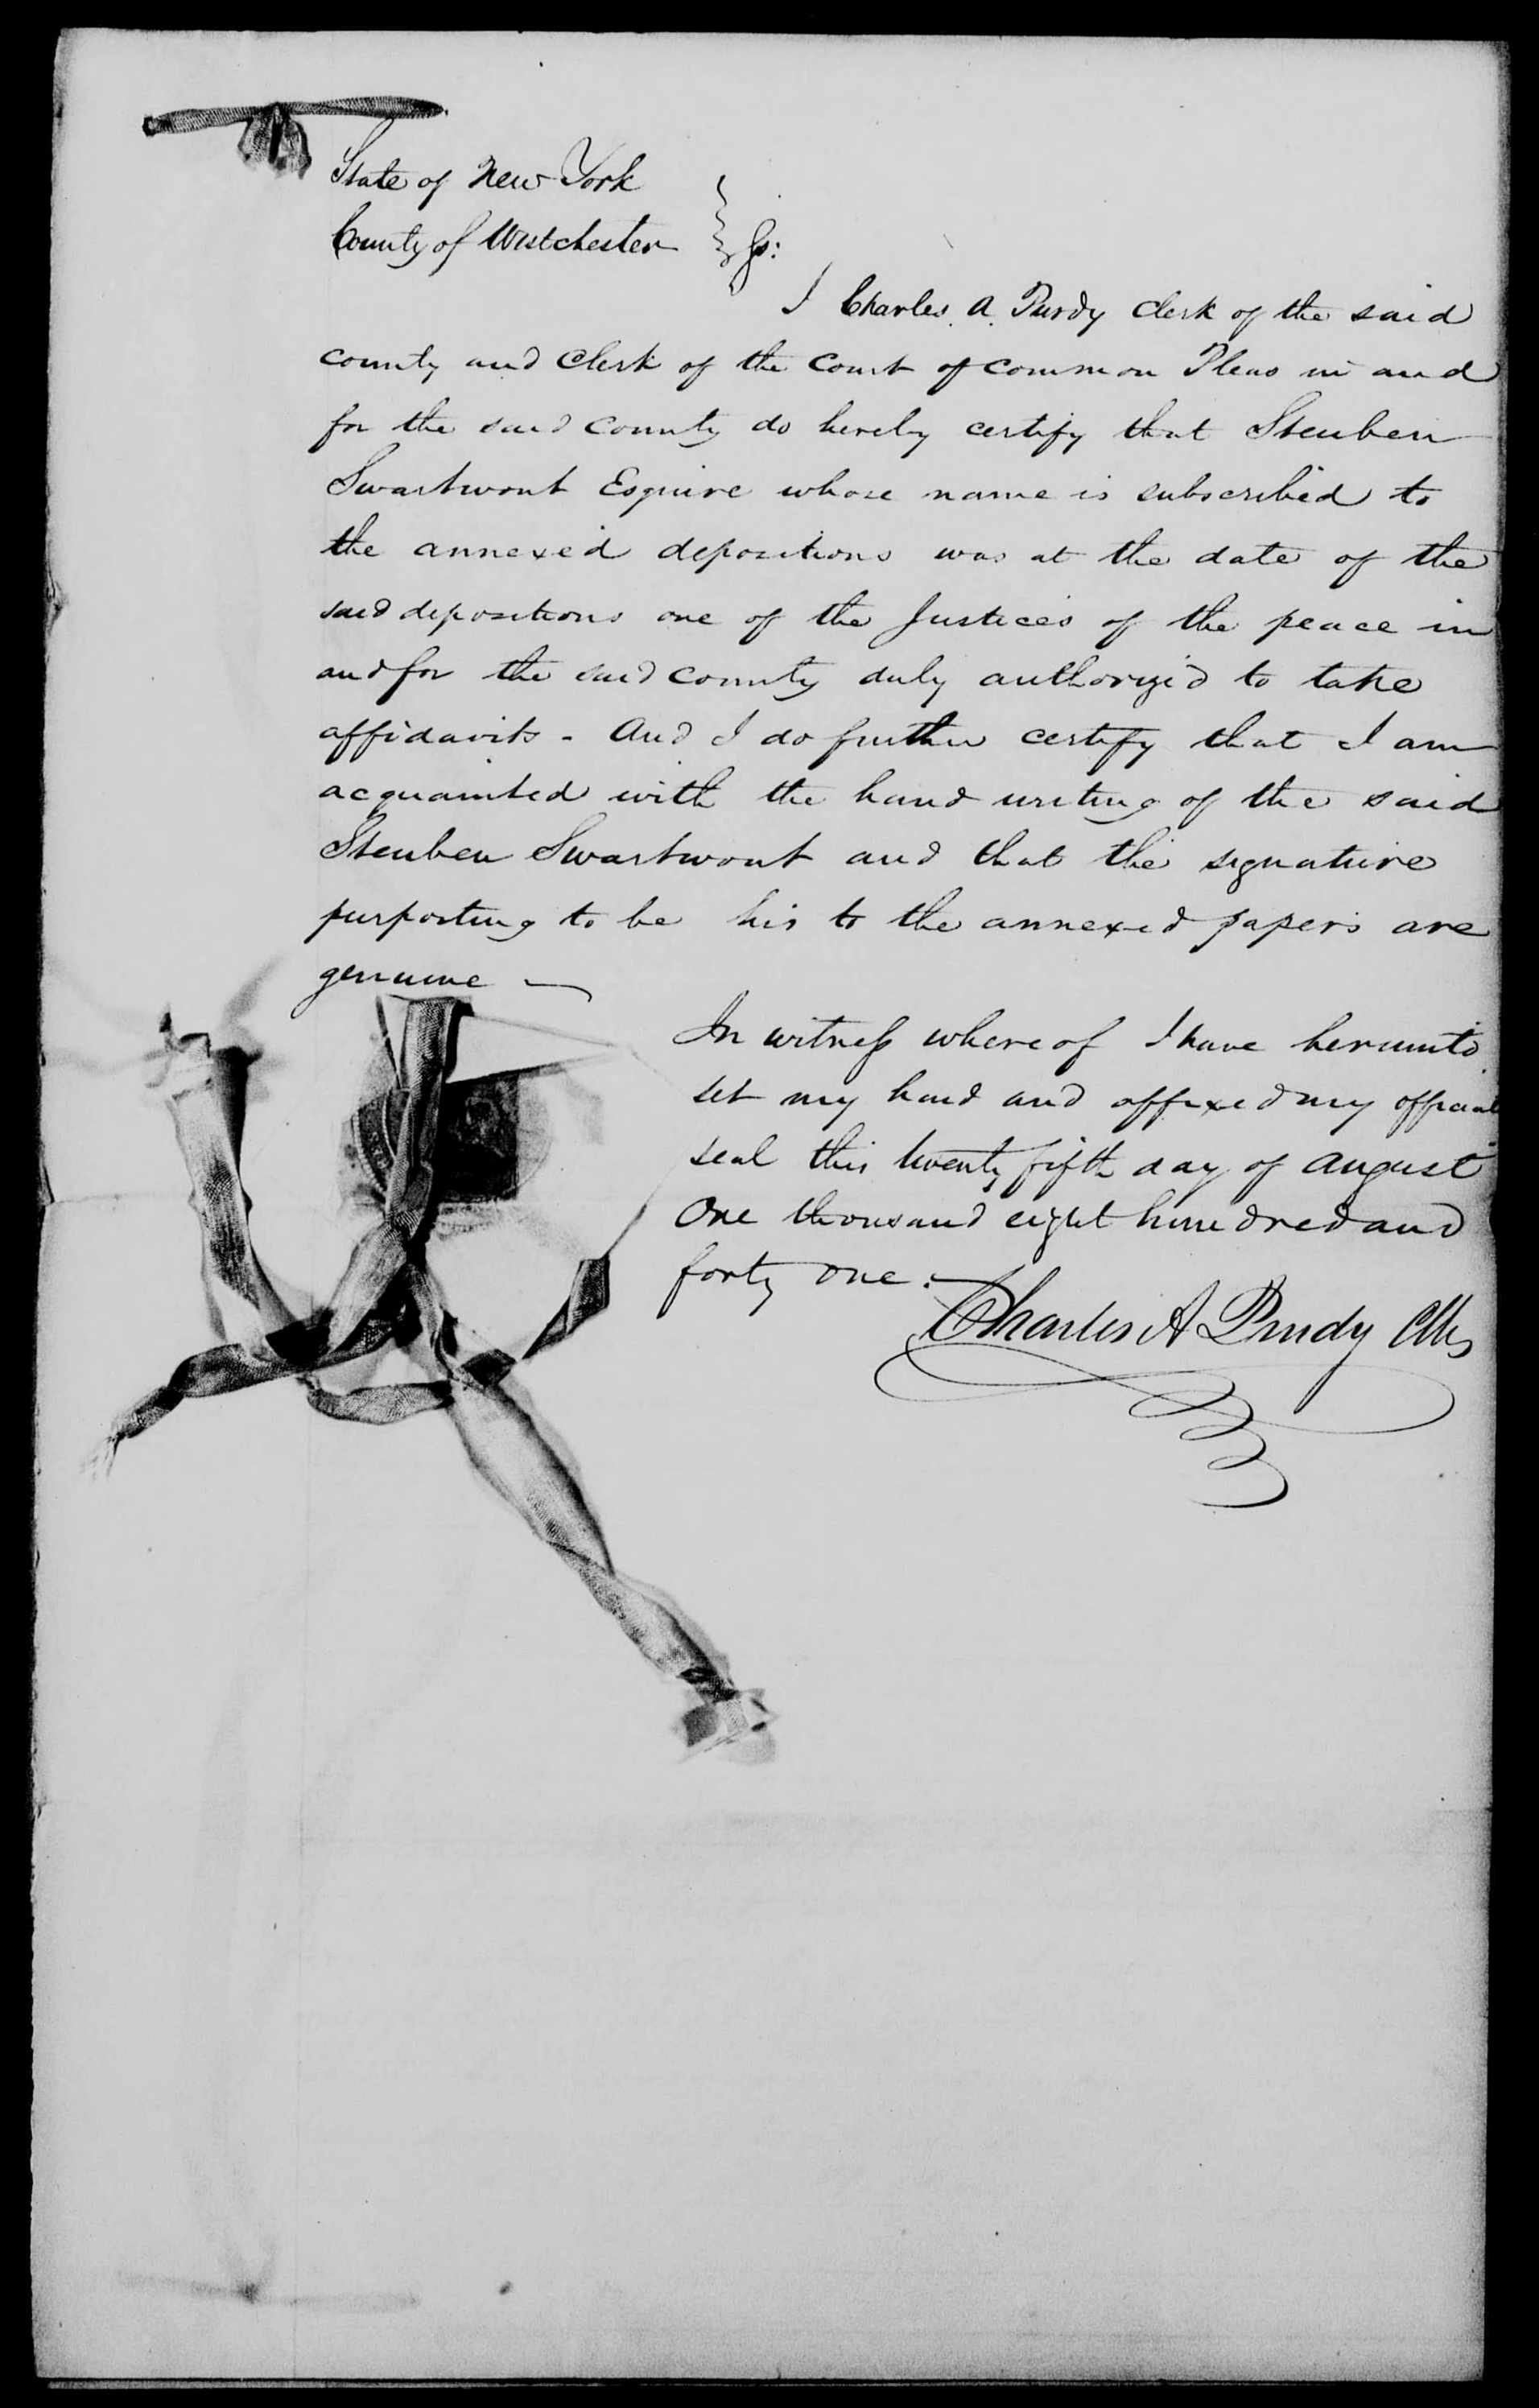State of New York
County of Westchester} ss:

I Charles A. Purdy Clerk of the said
County and clerk of the Court of Common Pleas in and for the said County do hereby certify that Steuben Swartwout Esquire whose name is subscribed to the annexed depositions was at the date of the said depositions one of the Justices of the peace in and for the said County duly authorized to take affidavits. And I do further certify that I am acquainted with the hand writing of the said Steuben Swartwout and that the signature purporting to be his to the annexed papers are genuine-

In witness whereof I have hereunto set my hand and affixed my official seal this twenty fifth day of August One thousand eight hundred and forty one.

Charles A Prudy Clk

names: Charles A Purdy, Steuben Swartwout, Steuben Swartwout, Charles A Purdy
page: 28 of 40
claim: widow's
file: W. 24057, Cornelius De Revere, New York